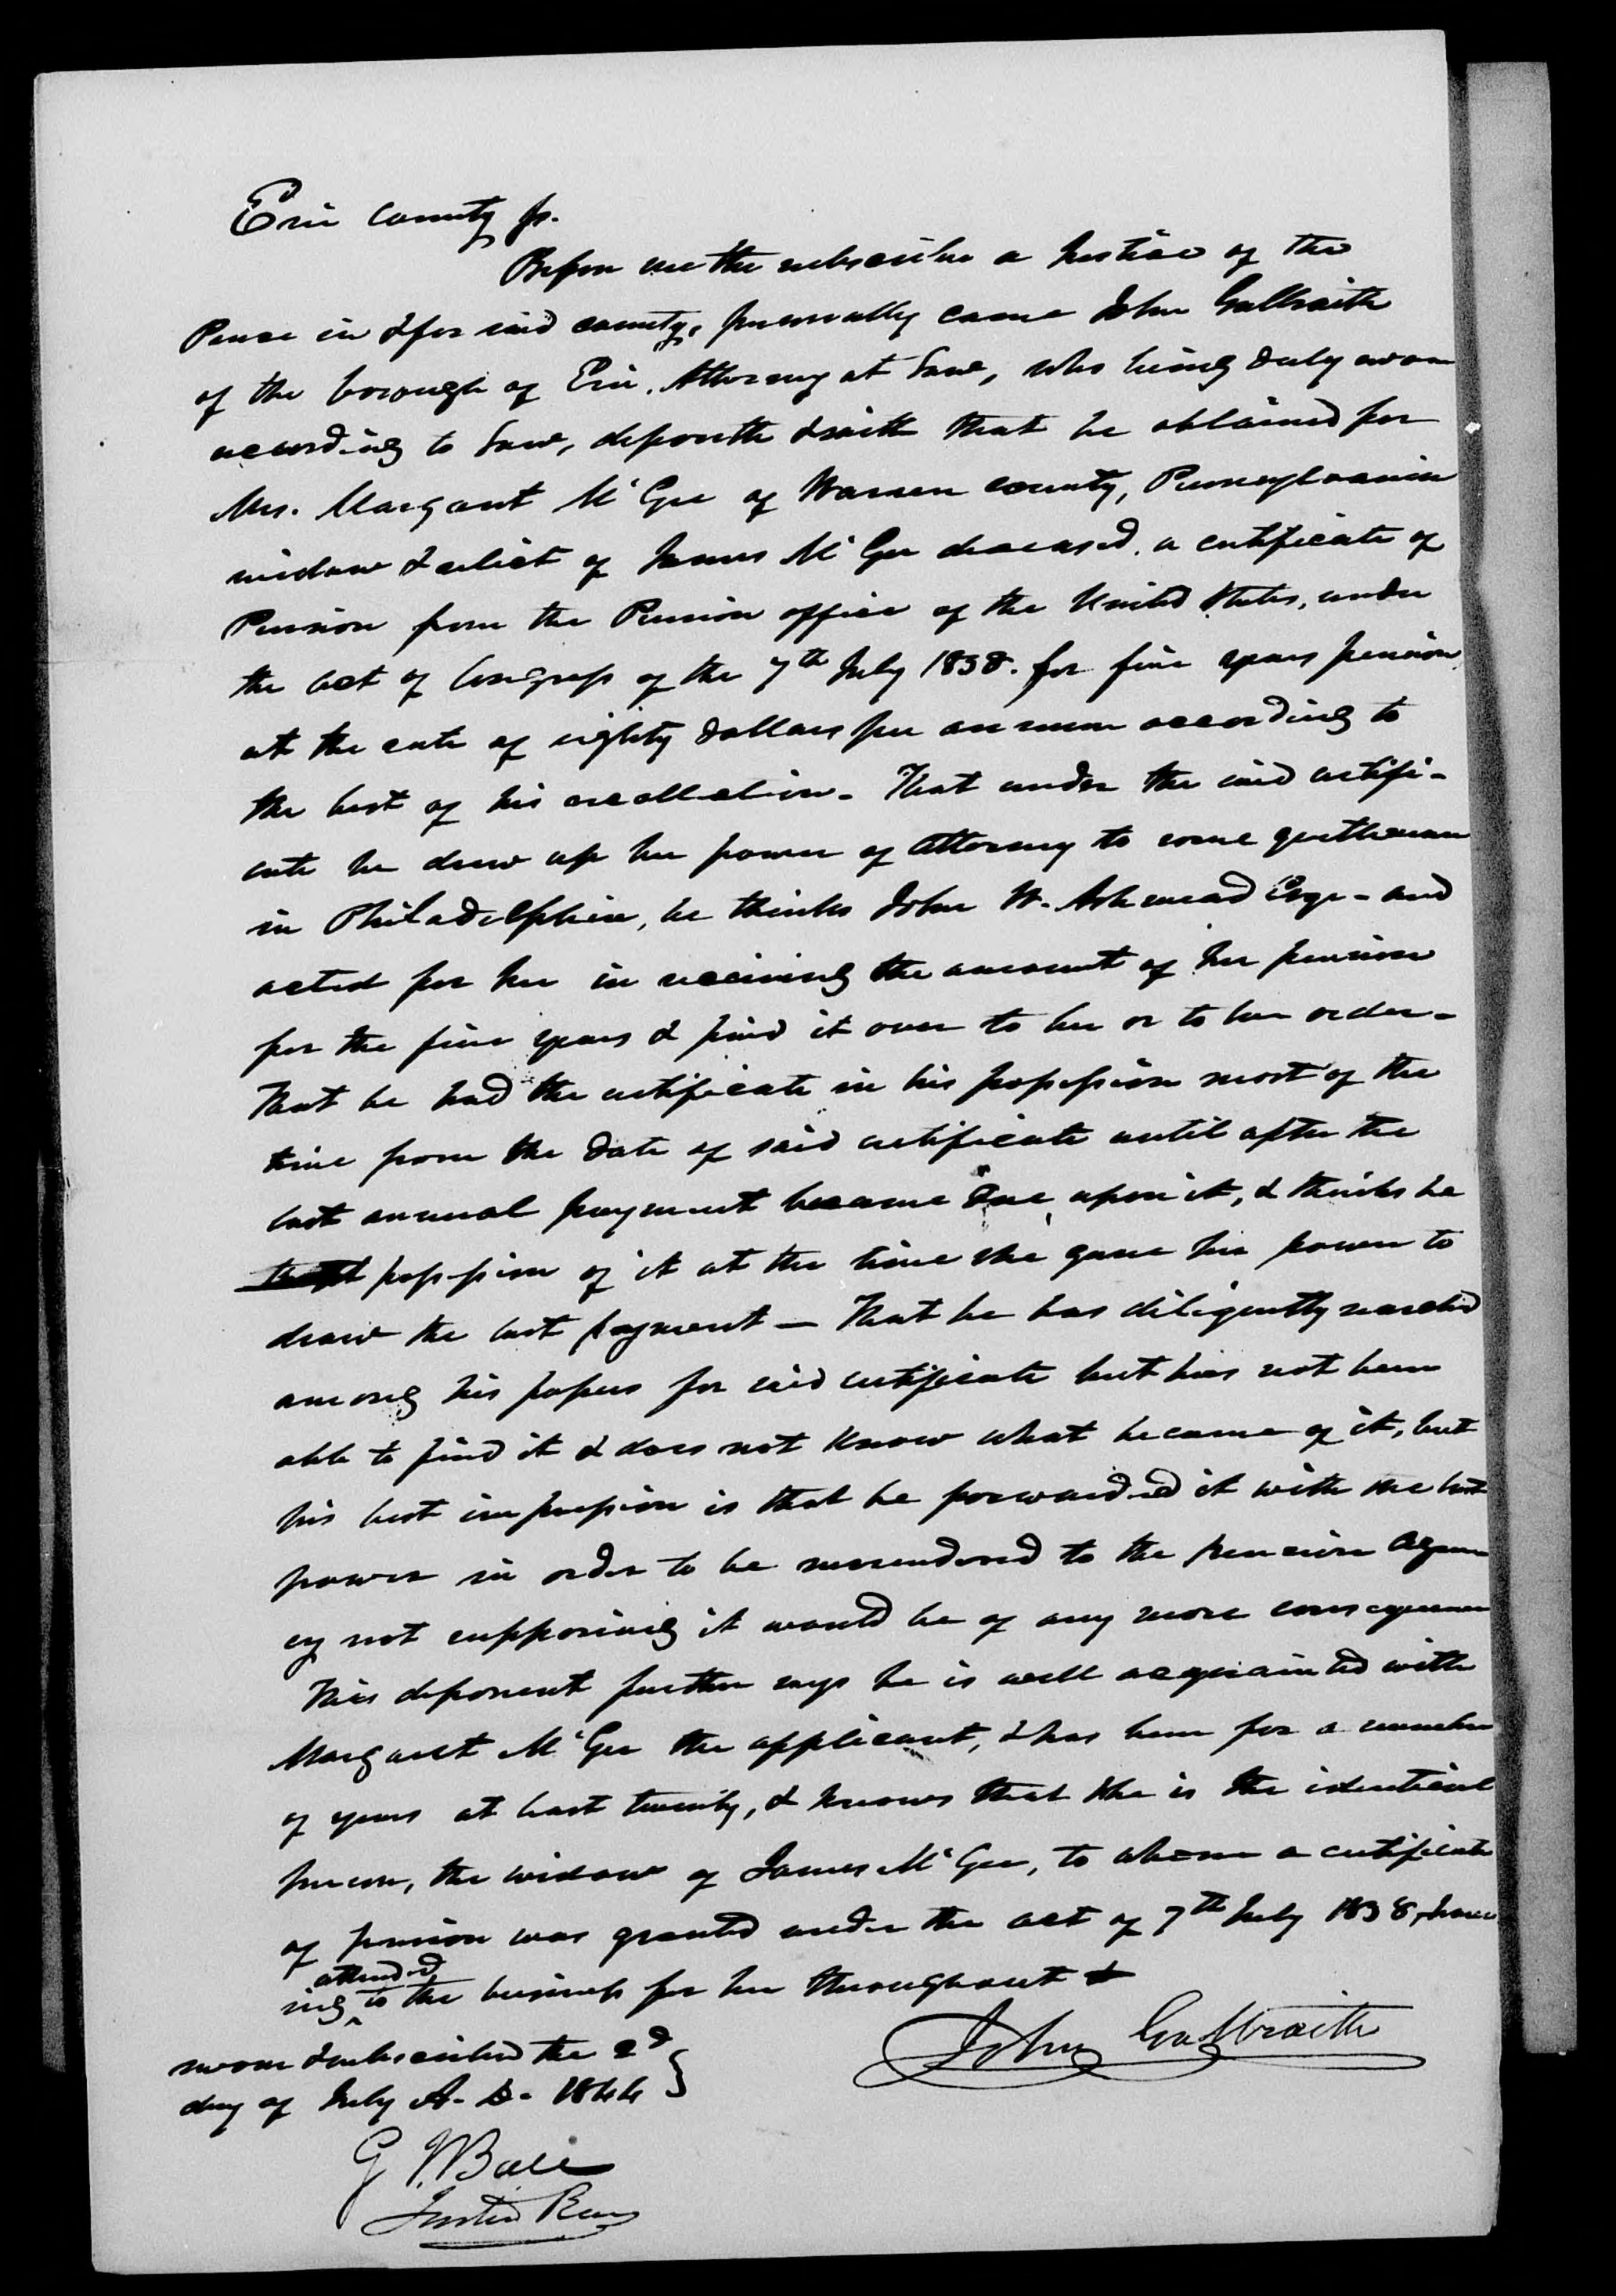Erin County ss

Before me the subscribed a Justice of the
Peace in & for said County, personally came John Galbraith of the borough of Erin, Attorney at Law, who being duly sworn according to law, deposeth & saith that he obtained for
Mrs. Margaret McGee of Warren County, Pennsylvania widow & relict of James McGee deceased a certificate of Pension from the Pension office of the United States, under the
act of Congress of the 7th July 1838 for five years pension the rate of eighty dollars per annum according to the best of his recollection. That under the said certificate into he drew up her power of Attorney to some gentleman 
in Philadelphia, he thinks John W. Rhoads Esqr and acted for her in receiving the account of her pension for the five years & paid it over to her or to her order That he had the certificate in his possession most of the time from the date of said certificate until after the last annual payment became due upon it, & thinks he took
possession of it at the time she gave her power to and the last payment - That he has diligently searched among his papers for said certificate but has not been  able to find it & does not know what became of it, but his best impression is that he forwarded it with said power in order to be surrendered to the pension agency 
not supposing it would be of any more consequence This deponent further says he is well acquainted with Margaret McGee the applicant, & has him for a number of years at lest  twenty & knows that she is the identical 
person, the widow of James McGee, to whom a certificate of pension was granted under the act of 7th July 1838, having attended in her  
the business for her throughout


John Galbraith   (his signature)

sworn subscribed the 2d
day of July A.D. 1844

G. N Bali
Justice Peace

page: 44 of 77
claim: widow's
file: W 2954, for James Mc Gee, Delaware